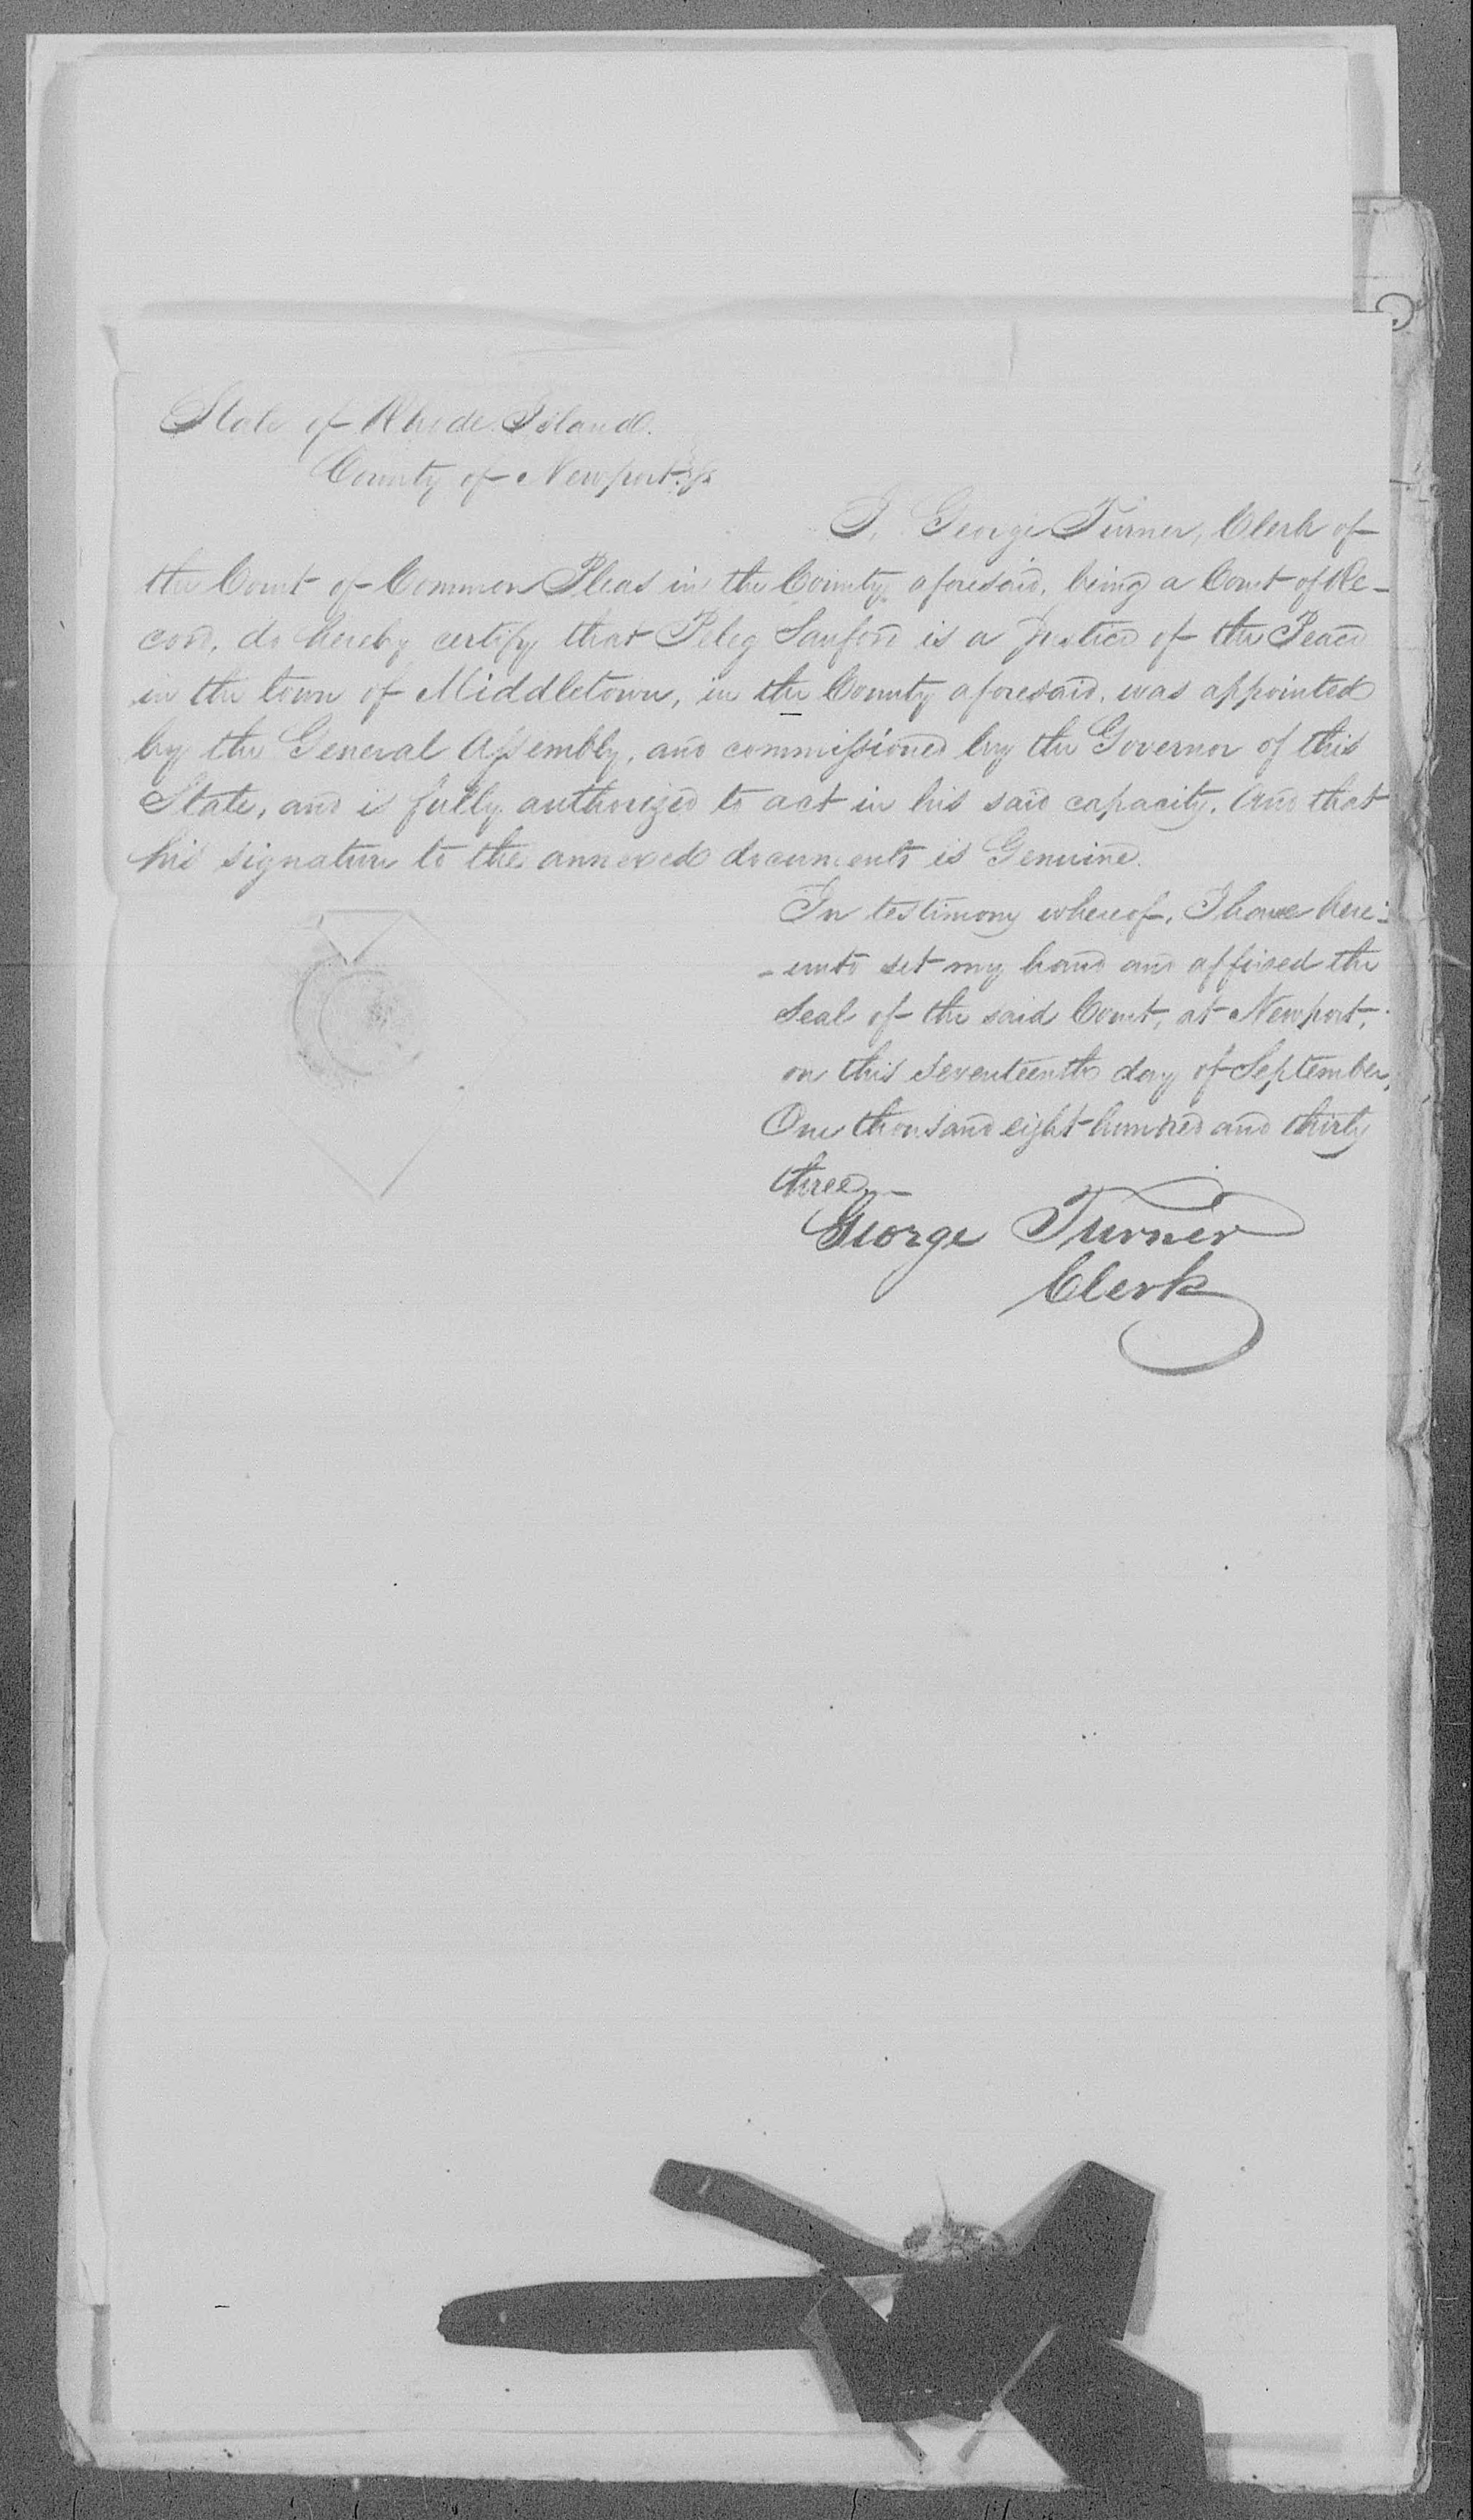State of Rhode Island
County of Newport} Ss.
I George Turner, Clerk of the Court of Common Pleas in the County aforesaid, being a Court of Record, do hereby certify that Peleg Sanford is a Justice of the Peace in the town of Middletown, in the County aforesaid, was appointed by the General Assembly, and commissioned by the Governor of this State, and is fully authorized to act in his said capacity.  And that his signature to the annexed documents is Genuine.
[seal] In testimony whereof, I have hereunto set my hand and affixed the seal of the said Court, at Newport, on this seventeenth day of September, One thousand eight hundred and thirty three.
George Turner
Clerk
[ribbon]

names: George Turner, George Turner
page: 29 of 52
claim: widow's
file: W. 18,565, Hezekiah Barker, Continental R.I.